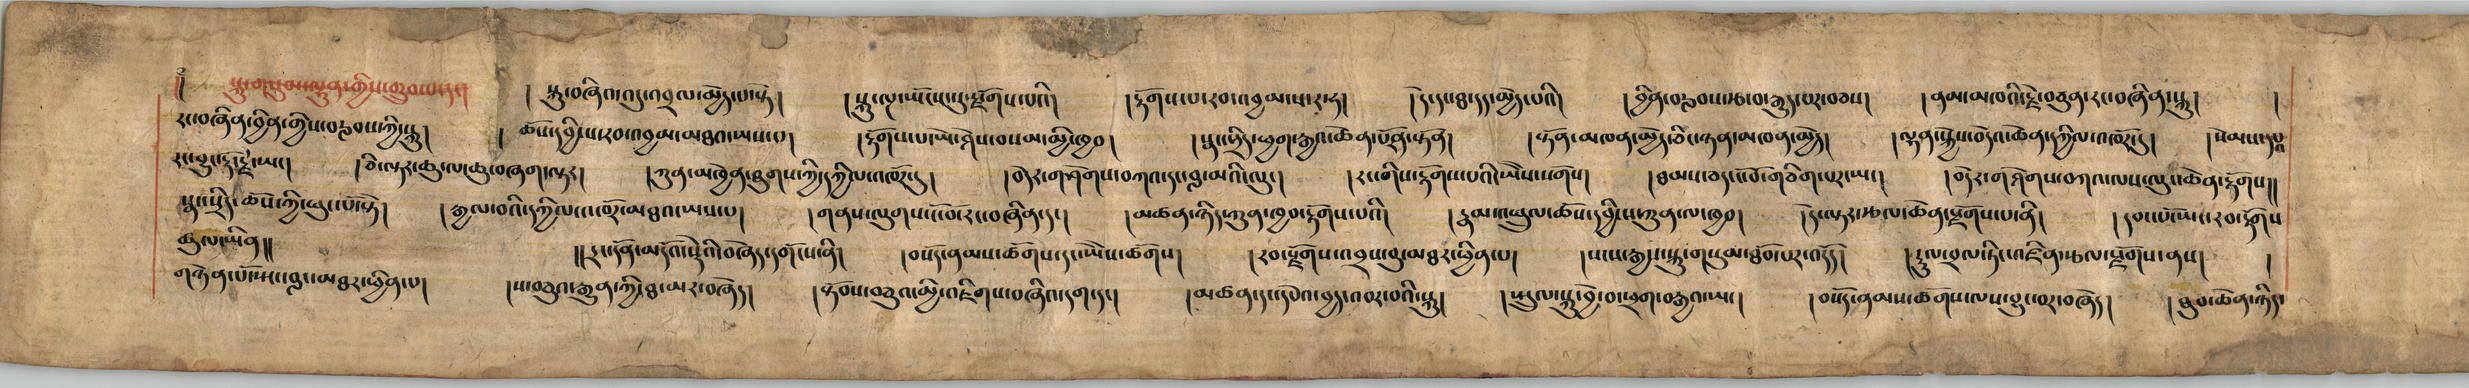སྐུ་གསུམ་ལྷུན་གྱིས་གྲུབ་པ་དང། ། སྐུ་བཞིའ་འདུ་འབྲལ་མྱེད་པ་སྟེ། །སྐུ་ལྔ་ཡོངས་སུ་སྫོགས་པའི། །རྟོགས་པ་རབ་འབྱམ་ས་ར་ཧ། །དེ་དང་ཐ་དད་མྱེད་པའི། །བྱིན་བརླབས་རྩ་བ་རྒྱུད་པར་བཅས། །ནམ་མཁའི་རྗེས་བཙུན་རང་བཞིན་སྐུ།
རང་བཞིན་བྱིན་གྱིས་བརླབས་ཀྱི་སྐུ། ། ཆོས་དབྱིངས་རབ་འབྱམ་མཐའ་ཡས་པ། །རྟོགས་པ་ཡེ་ཤེས་བསམ་མྱི་ཁྱབ། །སྣང་སྲིད་ཕྱག་རྒྱའ་ཆེན་པོར་སྟོན། །སྟོན་མཁན་མྱེད་ཅིང་ཉན་མཁན་མྱེད། །ལྷན་སྐྱེས་བདེའ་ཆེན་དཀྱིལ་འཁོར་དུ། །སེམས་དཔ
རང་བྱུང་རྡོ་རྗེ་ཡང། །ཅི་ལྟར་ཆུ་ལ་ཆུ་བཞག་ལྟར། །ཀུན་མཁྱེན་ཐུགས་ཀྱི་དཀྱིལ་འཁོར་དུ། །བདེར་གཤེགས་བཀའ་དང་བླ་མའི་ལུང། །རང་གིས་རྟོགས་པའི་ཡཻ་སོགས། །ཐམས་ཅད་ངོ་བོ་གཅིག་པར་ཡང། །བདེར་གཤེགས་བཀའ་ལས་ལུང་ཆེན་རྟོགས།།
སྣང་སྲིད་ཆོས་ཀྱི་ཕུང་པོ་སྟེ། །རྒྱལ་བའི་དཀྱིལ་འཁོར་མཐའ་ཡས་པ། །གནས་ལུགས་ངོ་བོར་རང་བཞིན་དང། །མཚན་ཉིད་ཀུན་ཁྱབ་རྟོགས་པའི། །རྣམ་འཕྲུལ་ཆོས་དབྱིངས་ཀུན་ལ་ཁྱབ། །དེ་ལྟར་རྩལ་ཆེན་སྫོགས་པ་ནི། །དབང་པོ་ཡང་རབ་རྟོགས
ཚུལ་ཡིན།། །།དྲང་དོན་མདོའ་སྡེའི་བཞེད་དགོངས་ནི། །བསོད་ནམས་ཚོགས་དང་ཡཻ་ཚོགས། །རབ་སྫོགས་འབྲས་བུ་མཐར་ཕྱིན་པ། །སངས་རྒྱས་སྐུ་གསུམ་ཐོབ་པར་འདོད། །རྡུལ་བྲལ་ཏིང་འཛིན་རྩལ་སྫོགས་ནས།
གཉེན་པོ་སྤངས་བླང་མཐར་ཕྱིན་པ། །ས་བཅུའ་རྒྱུན་ཀྱི་ཐ མར་བཞེད། །སྟོབས་བཅུའ་མྱི་འཇིགས་བཞིའ་དག་དང། །མཚན་དང་དཔེའ་བྱད་འབར་བའི་སྐུ། །སྤྲུལ་སྐུ་བྱེ་བ་ཕྲག་བརྒྱའ་ཡང། །བསོད་ནམས་ཚོགས་ལས་བྱུང་བར་བཞེད། །ཐུབ་ཆེན་ཉིད་